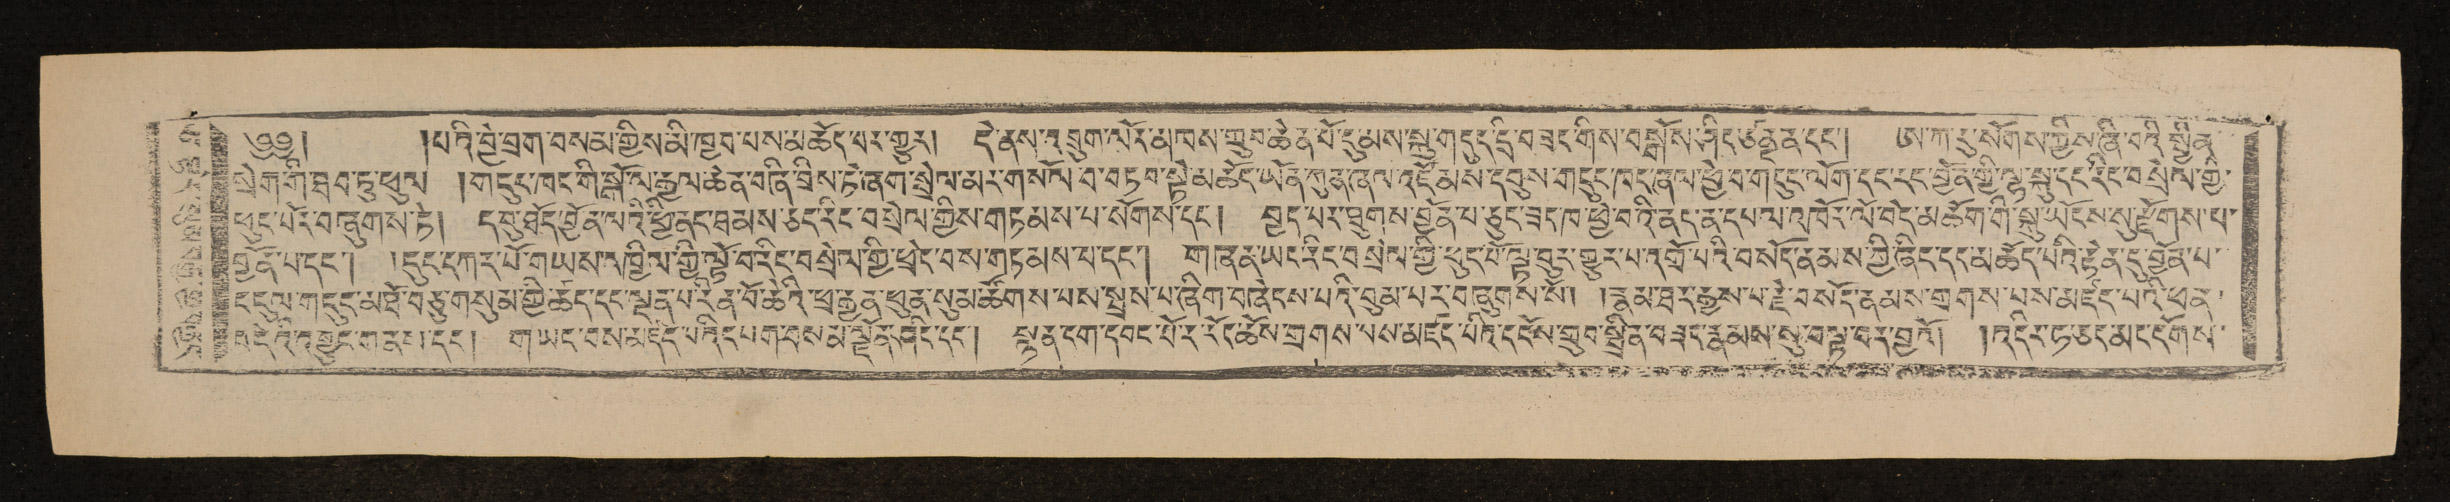༄༅། །པའི་བྱེ་བྲག་བསམ་གྱིས་མི་ཁྱབ་པས་མཆོད་པར་གྱུར། དེ་ནས་འབྲུག་ལོར་མཁས་གྲུབ་ཆེན་པོ་དུ་མས་སྐུ་གདུང་དྲི་བཟང་གིས་བསྒོས་ཤིང་ཙནྡན་དང་། ཨ་ཀ་རུ་སོགས་ཀྱིས་ཞི་བའི་སྦྱིན་
སྲེག་གི་ཐབ་ཏུ་ཕུལ། གདུང་ཁང་གི་སྒོ་ལ་རྒྱལ་ཆེན་བཞི་བྲིས་ཏེ་ཞག་སྦྲེལ་མར་གསོལ་བ་བཏབ་སྟེ་མཆོད་ཡོན་ཀུན་ཞལ་འཛོམས་དབུས་གདུང་ཁང་ཞལ་ཕྱེ་བ་གདུང་ལོག་དང་རང་བྱོན་གྱི་ལྷ་སྐུ་དང་རིང་བསྲེལ་གྱི་
ཕུང་པོར་བཞུགས་ཏེ། དབུ་ཐོད་བྱོན་པའི་ཕྱི་ནང་ཐམས་ཅད་རིང་བསྲེལ་གྱིས་གཏམས་པ་སོགས་དང་། བྱད་པར་ཐུགས་བྱོན་པ་ཅུང་ཟད་ཁ་ཕྱེ་བའི་ནང་ན་དཔལ་འཁོར་ལོ་བདེ་མཆོག་གི་སྐུ་ཡོངས་སུ་རྫོགས་པ་
བྱོན་པ་དང་། དུང་དཀར་པོ་གཡས་འཁྱིལ་གྱི་ལྟོ་བ་རིང་བསྲེལ་གྱི་ཕྲེང་བས་གཏམས་པ་དང་། གཞན་ཡང་རིང་བསྲེལ་གྱི་ཕུང་པོ་ལྟ་བུར་གྱུར་པ་འགྲོ་བའི་བསོད་ནམས་ཀྱི་ཞིང་དང་མཆོད་པའི་རྟེན་དུ་བྱོན་པ་
དངུལ་གདུང་མཐོ་བཅུ་གསུམ་གྱི་ཚད་དང་ལྡན་པ་རིན་པོ་ཆེའི་ཕྲ་རྒྱན་ཕུན་སུམ་ཚོགས་པས་སྤྲས་པ་ཞིག་བཞེངས་པའི་བུམ་པར་བཞུགས་སོ། །རྣམ་ཐར་རྒྱས་པ་རྗེ་བསོད་ནམས་གྲགས་པས་མཛད་པའི་ཕན་
བདེའི་འབྱུང་གནས་དང་། གཡང་པས་མཛད་པའི་དཔག་བསམ་ལྗོན་ཤིང་དང་། སྙན་ངག་དབང་པོ་ར་རོང་ཆོས་གྲགས་པས་མཛད་པའི་དངོས་གྲུབ་སྤྲིན་བཟང་རྣམས་སུ་བལྟ་བར་བྱའོ། །འདིར་ཧ་ཅང་མང་དོགས་